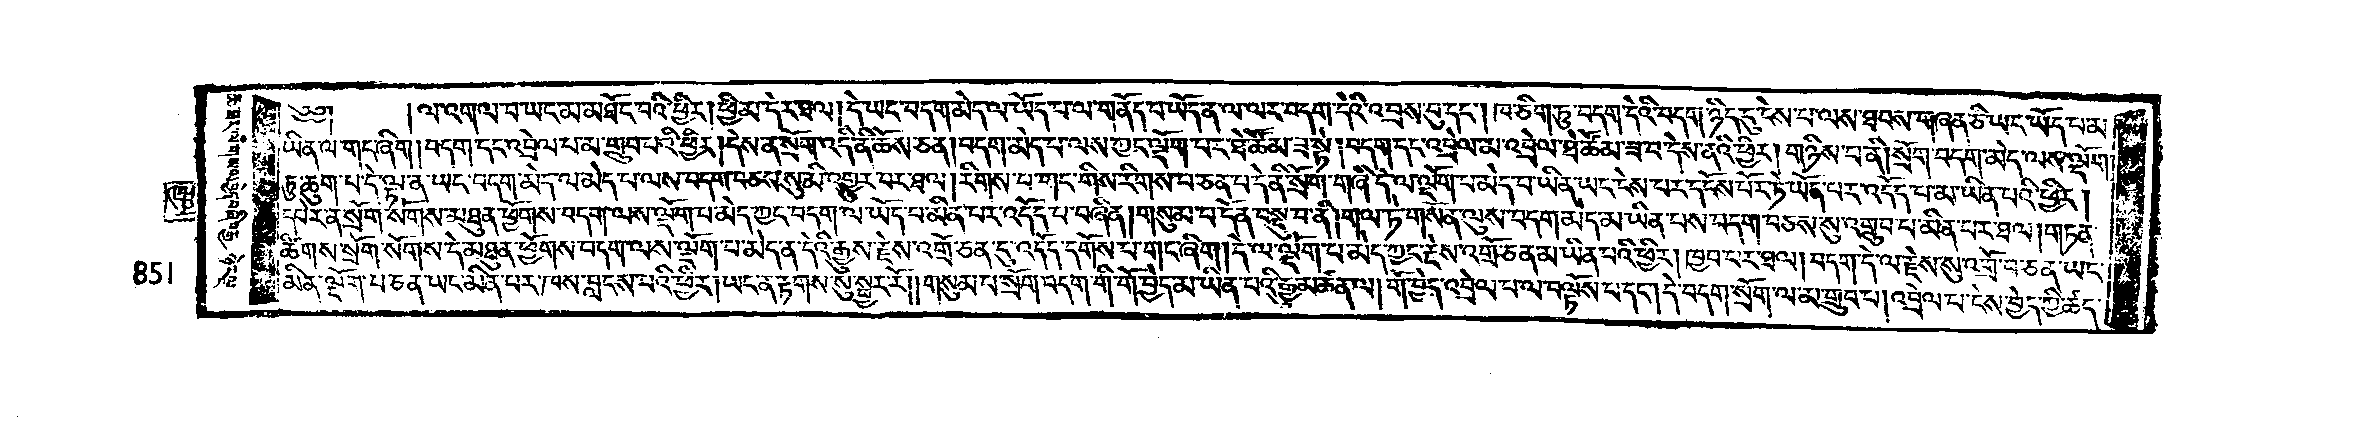༄༅། །ལ་འགལ་བ་ཡང་མ་མཐོང་བའི་ཕྱིར། ཕྱི་མ་དེར་ཐལ། དེ་ཡང་བདག་མེད་ལ་ཡོད་པ་ལ་གནོད་པ་ཡོད་ན་ལ་ལར་བདག་དེའི་འབྲས་བུ་དང་། ཁ་ཅིག་ཏུ་བདག་དེའི་བདག་ཉིད་དུ་ངེས་པ་ལས་ཐབས་གཞན་ཅི་ཡང་ཡོད་པ་མ་
ཡིན་པ་?་གང་ཞིག། བདག་དང་འབྲེལ་པ་མ་གྲུབ་པའི་ཕྱིར། དེས་ན་སྲོག་འདི་ནི་ཆོས་ཅན། བདག་མེད་པ་ལས་ཀྱང་ལྡོག་པར་ཐེ་ཚོམ་ཟ་སྟེ། བདག་དང་འབྲེལ་མ་འབྲེལ་ཐེ་ཚོམ་ཟ་བ་དེས་ནའི་ཕྱིར། གཉིས་པ་ནི། སྲོག་བདག་མེད་ལས་ལྡོག།
ཏུ་ཆུག་པ་དེ་ལྟ་ན་ཡང་བདག་མེད་ལ་མེད་པ་ལས་བདག་བཅས་སུ་མི་འགྱུར་བར་ཐལ། རིགས་པ་གང་གིས་རིགས་པ་ཅན་པ་དེ་ནི་སྲོག་གཞི་དེ་ལ་ལྡོག་པ་མེད་པ་ཡིན་ཡང་ངེས་པར་དངོས་པོར་ཏེ་ཡོད་པར་འདོད་པ་མ་ཡིན་པའི་ཕྱིར།
དཔེར་ན་སྲོག་སོགས་མཐུན་ཕྱོགས་བདག་ལས་ལྡོག་པ་མེད་ཀྱང་བདག་ལ་ཡོད་པ་མིན་པར་འདོད་པ་བཞིན། གསུམ་པ་དོན་བསྡུ་བ་ནི། གལ་ཏེ། གསོན་ལུས་བདག་མེད་མ་ཡིན་པས་བདག་བཅས་སུ་འགྲུབ་པ་མིན་པར་ཐལ། གཏན་
ཚིགས་སྲོག་སོགས་དེ་མཐུན་ཕྱོགས་བདག་ལས་ལྡོག་པ་མེད་ན་དེའི་རྒྱུས་རྗེས་འགྲོ་ཅན་དུ་འདོད་དགོས་པ་གང་ཞིག། དེ་ལ་ལྡོག་པ་མེད་ཀྱང་རྗེས་འགྲོ་ཅན་མ་ཡིན་པའི་ཕྱིར། ཁྱབ་པར་ཐལ། བདག་དེ་ལ་རྗེས་སུ་འགྲོ་བ་ཅན་ཡང་
མིན་ལྡོག་པ་ཅན་ཡང་མིན་པར་ཁས་བླངས་པའི་ཕྱིར། ཡང་ན་རྟགས་སུ་སྦྱར་རོ། །གསུམ་པ་སྲོག་བདག་གི་གོ་བྱེད་མ་ཡིན་པའི་རྒྱུ་མཚན་ལ། གོ་བྱེད་འབྲེལ་པ་ལ་བལྟོས་པ་དང་། དེ་བདག་སྲོག་ལ་མ་གྲུབ་པ། འབྲེལ་པ་ངེས་བྱེད་ཀྱི་ཚད་